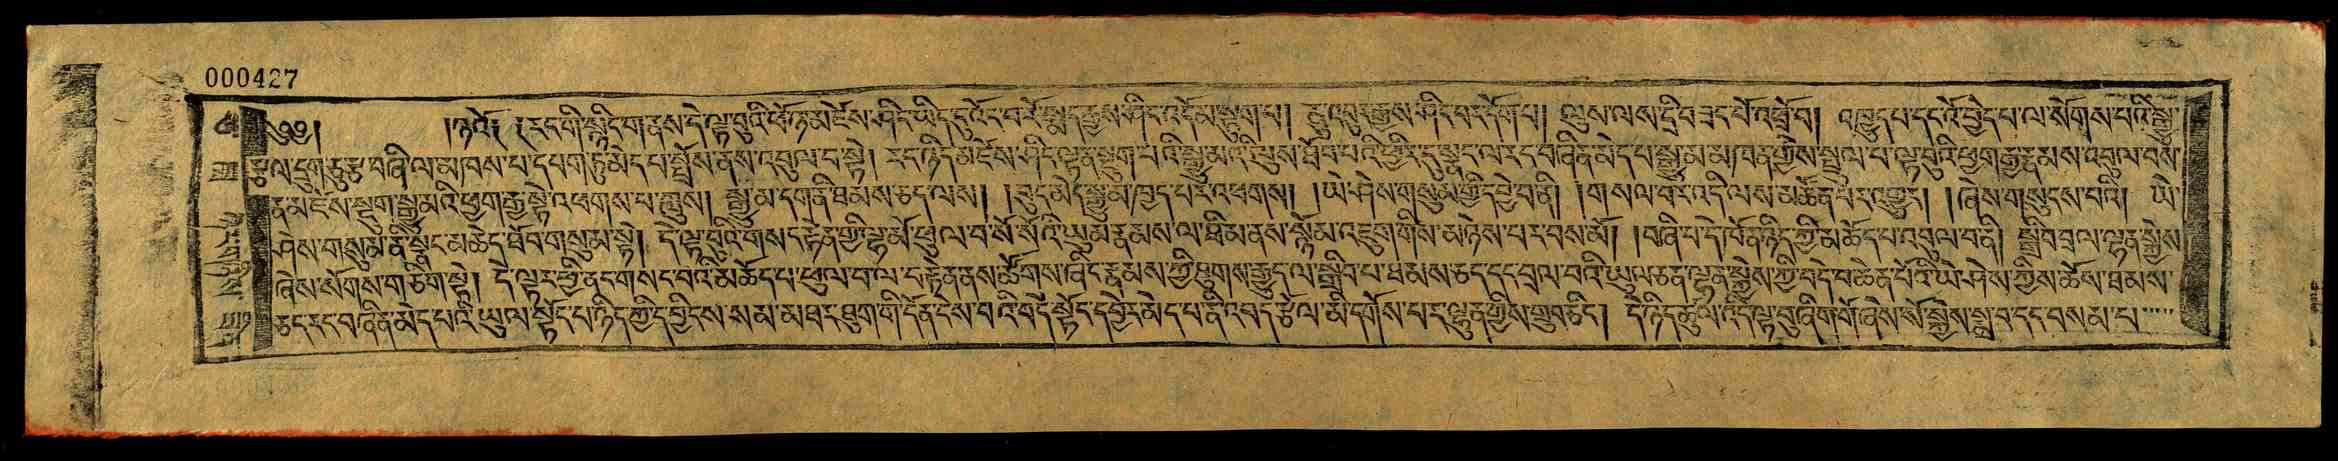༄༅། །ཉའོ༑ ༑རང་གི་སྙིང་ག་ནས་དེ་ལྟ་བུའི་ཕོ་ཉ་མཛེས་ཤིང་ཡིད་དུ་འོང་བ་རོ་སྨད་རྒྱས་ཤིང་འདོམ་སྟུག་པ། ནུ་འབུར་རྒྱས་ཤིང་བར་དོག་པ། ལུས་ལས་དྲི་བཟང་པོ་འཕྲོ་བ། འཁྱུད་པ་དང་འོ་བྱེད་པ་ལ་སོགས་པའི་སྒྱུ་
རྩལ་དྲུག་ཅུ་རྩ་བཞི་ལ་མཁས་པ་དཔག་ཏུ་མེད་པ་སྤྲོས་ནས་འབུལ་བ་སྟེ། རང་ཉིད་མཛེས་ཤིང་ལྟ་ན་སྡུག་པའི་སྒྱུ་མའི་ལུས་ཐོབ་པའི་ཕྱིར་དུ་སྣང་ལ་རང་བཞིན་མེད་པ་སྒྱུ་མ་མཁན་གྱིས་སྤྲུལ་པ་ལྟ་བུའི་ཕྱག་རྒྱ་རྣམས་འབུལ་བས་
ན་མཛེས་སྡུག་སྒྱུ་མའི་ཕྱག་རྒྱ་སྟེ་འཕགས་པ་ཀླུས། སྒྱུ་མ་དག་ནི་ཐམས་ཅད་ལས། །བུད་མེད་སྒྱུ་མ་ཁྱད་པར་འཕགས། །ཡེ་ཤེས་གསུམ་གྱི་དབྱེ་བ་ནི། །གསལ་བར་འདི་ལས་མཚོན་པར་འགྱུར། །ཞེས་གསུངས་པའི། ཡེ་
ཤེས་གསུམ་ནི་སྣང་མཆེད་ཐོབ་གསུམ་སྟེ། དེ་ལྟ་བུའི་གསང་རྟེན་གྱི་ལྷ་མོ་ཕུལ་བ་སོ་སོའི་ཡུམ་རྣམས་ལ་ཐིམ་ནས་སྙོམ་འཇུག་གིས་མཉེས་པར་བསམ་མོ། །བཞི་པ་དེ་ཁོ་ན་ཉིད་ཀྱི་མཆོད་པ་འབུལ་བ་ནི། སྒྲིབ་བྲལ་ལྷན་སྐྱེས།
ཞེས་སོགས་གཅིག་སྟེ། དེ་ལྟར་ཕྱི་ནང་གསང་བའི་མཆོད་པ་ཕུལ་བ་ལ་བརྟེན་ནས་ཚོགས་ཞིང་རྣམས་ཀྱི་ཐུགས་རྒྱུད་ལ་སྒྲིབ་པ་ཐམས་ཅད་དང་བྲལ་བའི་ཡུལ་ཅན་ལྷན་སྐྱེས་ཀྱི་བདེ་བ་ཆེན་པོའི་ཡེ་ཤེས་ཀྱིས་ཆོས་ཐམས་
ཅད་རང་བཞིན་མེད་པའི་ཡུལ་སྟོང་པ་ཉིད་ཀྱི་དབྱིངས་སམ་མཐར་ཐུག་གི་དོན་ངེས་པའི་བདེ་སྟོང་དབྱེར་མེད་པ་ནི་འབད་རྩོལ་མི་དགོས་པར་ལྷུན་གྱིས་གྲུབ་ཅིང་། དེ་ཉིད་ཚུལ་འདི་ལྟ་བུ་ཞིག་གོ་ཞེས་སོ་སྐྱེས་སྨྲ་བ་དང་བསམ་པ་